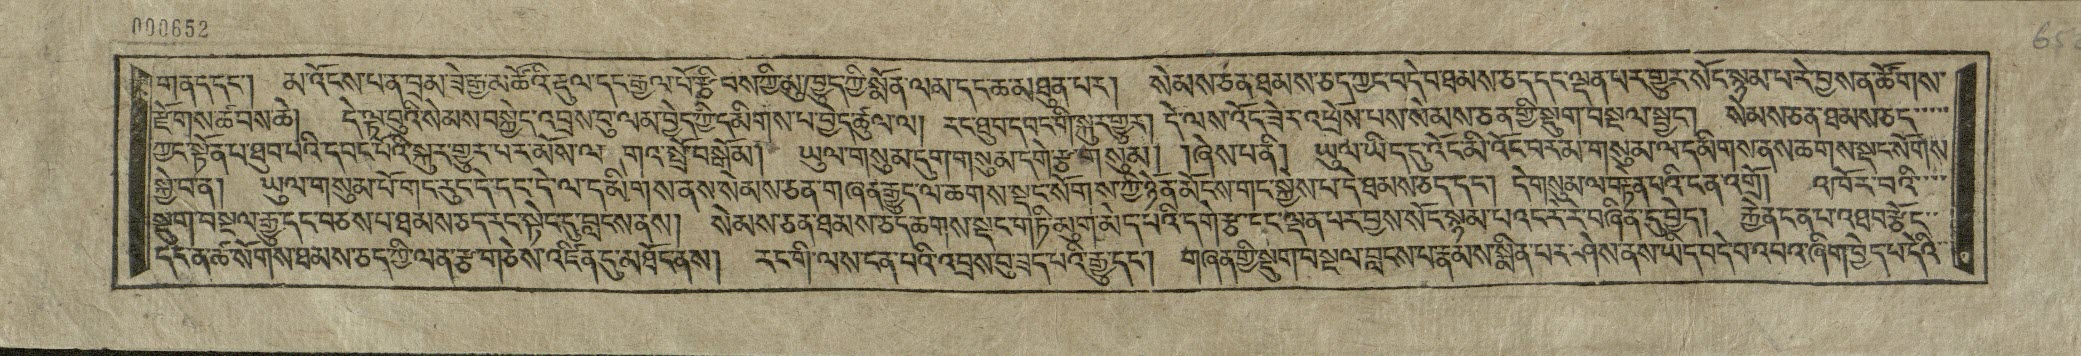གནད་དང་། མ་འོངས་པ་ན་བྲམ་ཟེ་རྒྱ་མཚོའི་རྡུལ་དང་རྒྱལ་པོ་རྩི་བས་ཀྱི་མུ་ཁྱུད་ཀྱི་སྨོན་ལམ་དང་ཆ་མཐུན་པར། སེམས་ཅན་ཐམས་ཅད་ཀྱང་བདེ་བ་ཐམས་ཅད་དང་ལྡན་པར་གྱུར་སོང་སྙམ་པ་རེ་བྱས་ན་ཚོགས་
རྫོགས་ཚབས་ཆེ། དེ་ལྟ་བུའི་སེམས་བསྐྱེད་འབྲས་བུ་ལམ་བྱེད་ཀྱི་དམིགས་པ་བྱེད་ཚུལ་ལ། རང་ཐུབ་དབང་གི་སྐུར་གྱུར། དེ་ལས་འོད་ཟེར་འཕྲོས་པས་སེམས་ཅན་གྱི་སྡུག་བསྔལ་སྦྱང་། སེམས་ཅན་ཐམས་ཅད་
ཀྱང་སྟོན་པ་ཐུབ་པའི་དབང་པོའི་སྐུར་གྱུར་པར་མོས་ལ་དགའ་སྤྲོ་བསྒོམ། ཡུལ་གསུམ་དུག་གསུམ་དགེ་རྩ་གསུམ། །ཞེས་པ་ནི། ཡུལ་ཡིད་དུ་འོང་མི་འོང་བར་མ་གསུམ་ལ་དམིགས་ནས་ཆགས་སྡང་སོགས་
སྐྱེ་བ་ན། ཡུལ་གསུམ་པོ་གང་རུང་དེ་དང་དེ་ལ་དམིགས་ནས་སེམས་ཅན་གཞན་རྒྱུད་ལ་ཆགས་སྡང་སོགས་ཀྱི་ཉོན་མོངས་གང་སྐྱེས་པ་དེ་ཐམས་ཅད་དང་། དེ་གསུམ་ལ་བརྟེན་པའི་ངན་འགྲོ། འཁོར་བའི་
སྡུག་བསྔལ་རྒྱུ་དང་བཅས་པ་ཐམས་ཅད་རང་སྟེང་དུ་བླངས་ནས། སེམས་ཅན་ཐམས་ཅད་ཆགས་སྡང་གཏི་མུག་མེད་པའི་དགེ་རྩ་དང་ལྡན་པར་བྱས་སོང་སྙམ་པའང་རེ་རེ་བཞིན་དུ་བྱེད། རྐྱེན་ངན་པ་འཐབ་རྩོད་
དང་ན་ཚ་སོགས་ཐམས་ཅད་ཀྱི་ལན་རྩ་གཅེས་འཛིན་དུ་མཐོང་ནས། རང་གི་ལས་ངན་པའི་འབྲས་བུ་ཟད་པའི་རྒྱུ་དང་། གཞན་གྱི་སྡུག་བསྔལ་བླངས་པ་རྣམས་སྨིན་པར་ཤེས་ནས་ཡིད་བདེ་བ་འབའ་ཞིག་བྱེད་པ་དེའི་